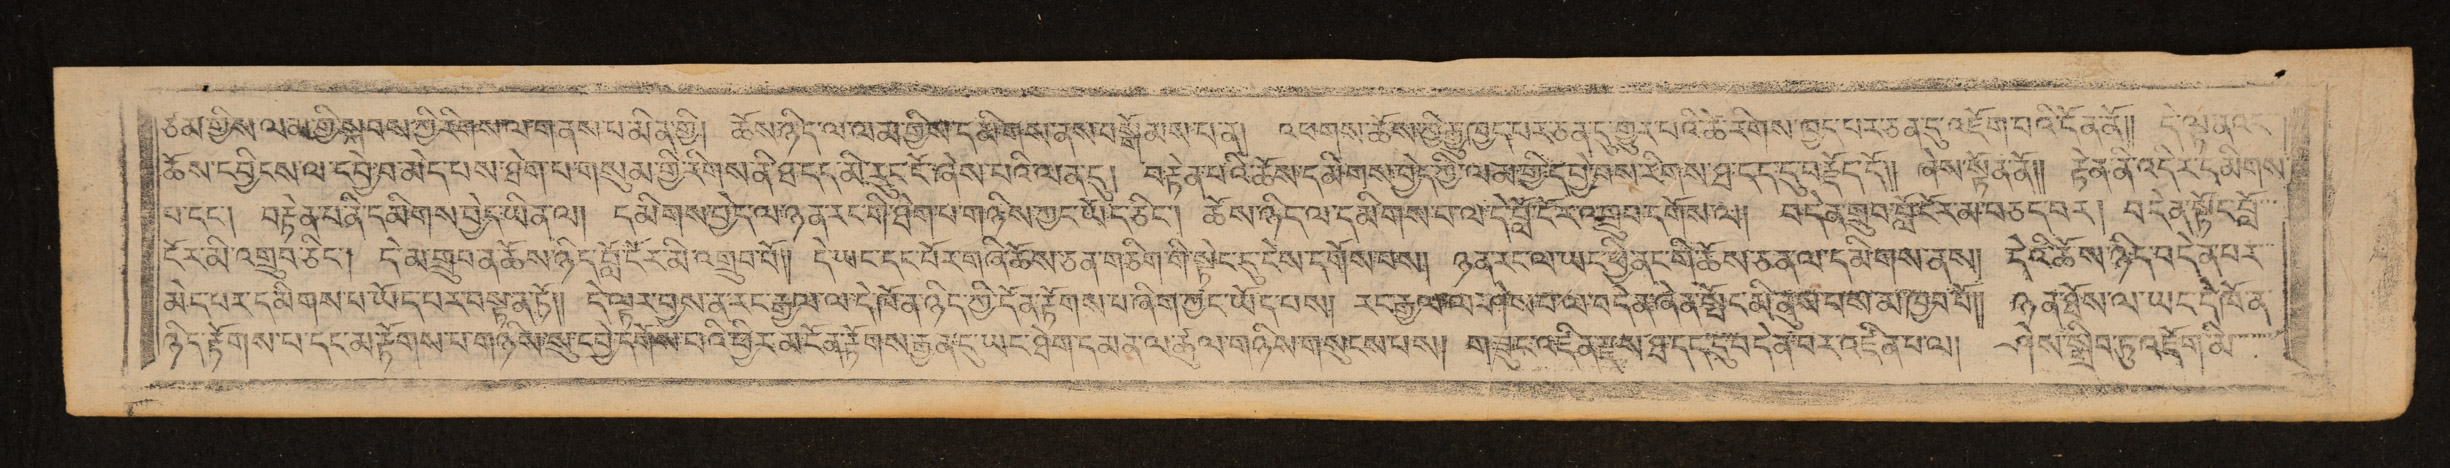ཙམ་གྱིས་ལམ་གྱི་སྐབས་ཀྱི་རིགས་ལ་གནས་པ་མིན་གྱི། ཆོས་ཉིད་ལ་ལམ་གྱིས་དམིགས་ནས་བསྒོམས་པ་ན། འཕགས་ཆོས་ཀྱི་རྒྱུ་ཁྱད་པར་ཅན་དུ་གྱུར་པའི་ཚེ་རིགས་ཁྱད་པར་ཅན་དུ་འཇོག་པའི་དོན་ནོ།། དེ་ལྟ་ནའང་
ཆོས་དབྱིངས་ལ་དབྱེ་བ་མེད་པས་ཐེག་པ་གསུམ་གྱི་རིགས་ནི་ཐ་དད་མི་རུང་ངོ་ཞེས་པའི་ལན་དུ། བརྟེན་པའི་ཆོས་དམིགས་བྱེད་ཀྱི་ལམ་གྱི་དབྱེ་བས་རིགས་ཐ་དད་དུ་བརྗོད་དོ།། ཞེས་སྟོན་ནོ།། རྟེན་ནི་འདིར་དམིགས་
པ་དང་། བརྟེན་པ་ནི་དམིགས་བྱེད་ཡིན་ལ། དམིགས་བྱེད་ལ་ཉན་རང་གི་ཐེག་པ་གཉིས་ཀྱང་ཡོད་ཅིང་། ཆོས་ཉིད་ལ་དམིགས་པ་ལ་དེ་བློ་ངོར་འགྲུབ་དགོས་ལ། བདེན་གྲུབ་བློ་ངོར་མ་བཅད་པར། བདེན་སྟོང་བློ་
ངོར་མི་འགྲུབ་ཅིང་། དེ་མ་གྲུབ་ན་ཆོས་ཉིད་བློ་ངོར་མི་འགྲུབ་བོ།། དེ་ཡང་དང་པོར་གཞི་ཆོས་ཅན་གཅིག་གི་སྟེང་དུ་ངེས་དགོས་པས། ཉན་རང་ལ་ཡང་ཕྱི་ནང་གི་ཆོས་ཅན་ལ་དམིགས་ནས། དེའི་ཆོས་ཉིད་བདེན་པར་
མེད་པར་དམིགས་པ་ཡོད་པར་བསྟན་ཏོ།། དེ་ལྟར་བྱས་ན་རང་རྒྱལ་ལ་དེ་ཁོ་ན་ཉིད་ཀྱི་དོན་རྟོགས་པ་ཞིག་ཀྱང་ཡོད་པས། རང་རྒྱལ་ལ་ཤེས་པ་ལ་བདེན་ཞེན་སྤོང་མི་ནུས་པས་མ་ཁྱབ་བོ།། ཉན་ཐོས་ལ་ཡང་དེ་ཁོ་ན་
ཉིད་རྟོགས་པ་དང་མ་རྟོགས་པ་གཉིས་སུ་དབྱེ་དགོས་པའི་ཕྱིར་མངོན་རྟོགས་རྒྱན་དུ་ཡང་ཐེག་དམན་ལ་ཚུལ་གཉིས་གསུངས་པས། གཟུང་འཛིན་རྫས་ཐ་དད་དུ་བདེན་པར་འཛིན་པ་ལ། ཤེས་སྒྲིབ་ཏུ་འཇོག་མི་